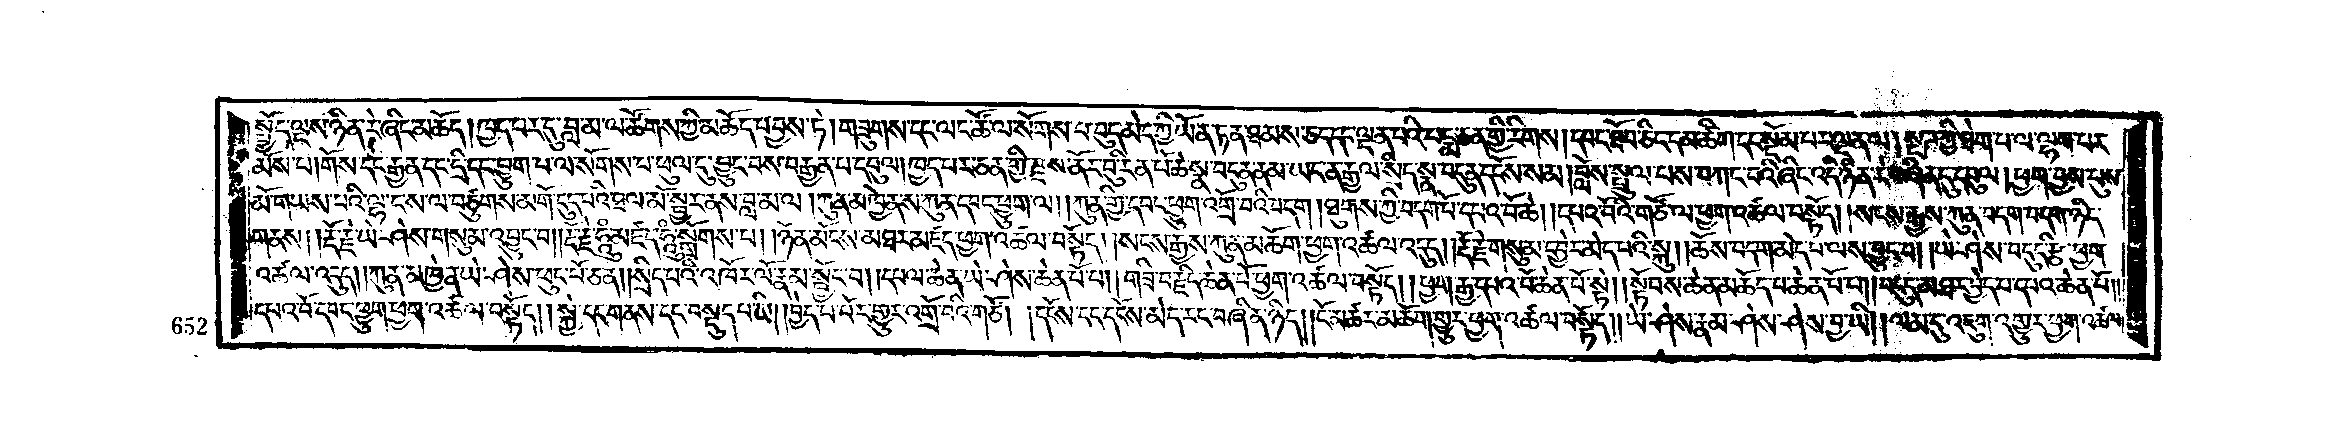སྤྱོད་ལྔས་ཉིན་རེ་ཞིང་མཆོད། ཁྱད་པར་དུ་བླ་མ་ལ་ཚོགས་ཀྱི་མཆོད་པ་བྱས་ཏེ། གཟུགས་དང་ལང་ཚོ་ལ་སོགས་པ་བུད་མེད་ཀྱི་ཡོན་ཏན་ཐམས་ཅད་དང་ལྡན་པའི་པདམ་ཅན་གྱི་རིགས། དབང་ཐོབ་ཅིང་དམ་ཚིག་དང་སྡོམ་པར་ལྡན་ལ། སྔགས་ཀྱི་ཐེག་པ་ལ་ལྷག་པར་
མོས་པ། གོས་དང་རྒྱན་དང་དྲི་དང་བྱུག་པ་ལ་སོགས་པ་ཕུལ་དུ་བྱུང་བས་བརྒྱན་པ་དབུལ། ཁྱད་པར་ཅན་གྱི་རྫས་ནོར་བུ་རིན་པོ་ཆེ་སྣ་བདུན་ནམ་ཡང་ན་རྒྱལ་སྲིད་སྣ་བདུན་དངོས་སམ། བློས་སྤྲུལ་པས་བཀང་བའི་ཞིང་འདི་ཉིན་རེ་བཞིན་དུ་དབུལ། ཕྱག་བྱས་པུས་
མོ་གཡས་པའི་ལྷ་ང་ས་ལ་བཙུགས་མགོ་དུད་པའི་ཐལ་མོ་སྦྱར་ནས་བླ་མ་ལ། ཀུན་མཁྱེན་ས་ཀུན་དབང་ཕྱུག་ལ། །ཀུན་གྱི་དབང་ཕྱུག་འགྲོ་བའི་བདག །ཐུགས་ཀྱི་བདག་པོ་དཔའ་བོ་ཆེ། །དཔའ་བོའི་གཙོ་ལ་ཕྱག་འཚལ་བསྟོད། །སངས་རྒྱས་ཀུན་བདག་བདག་ཉིད་
གནས། །རྡོ་རྗེ་ཡེ་ཤེས་གསུམ་འབྱུང་བ། །རྡོ་རྗེ་ཧཱུཾ་མཛད་ཧཱུཾ་སྒྲོགས་པ། །ཉོན་མོངས་མཐར་མཛད་ཕྱག་འཚལ་བསྟོད། །སངས་རྒྱས་ཀུན་མཆོག་ཕྱག་འཚལ་འདུད། །རྡོ་རྗེ་གསུམ་དབྱེར་མེད་པའི་སྐུ། །ཆོས་བདག་མེད་པ་ལས་བྱུང་བ། །ཡེ་ཤེས་བདུད་རྩི་ཕྱག་
འཚལ་འདུད། །ཀུན་མཁྱེན་ཡེ་ཤེས་ཕུང་པོ་ཅན། །སྲིད་པའི་འཁོར་ལོ་རྣམ་སྦྱོང་བ། །དཔལ་ཆེན་ཡེ་ཤེས་ཆེན་པོ་པ། །གཟི་བརྗིད་ཆེན་པོ་ཕྱག་འཚལ་བསྟོད། །ཕྱག་རྒྱ་དཔའ་བོ་ཆེན་པོ་སྟེ། །སྟོབས་ཆེན་མཆོད་པ་ཆེན་པོ་པ། །བདུད་མཐར་བྱེད་པ་དཔའ་ཆེན་པོ། །
དཔའ་བོ་དབང་ཕྱུག་ཕྱག་འཚལ་བསྟོད། །སྐྱེ་དང་གནས་དང་བསྡུད་པ་ཡི། །བྱེད་པ་པོར་གྱུར་འགྲོ་བའི་གཙོ། །དངོས་དང་དངོས་མེད་རང་བཞིན་ཉིད། །ངོ་མཚར་མཆོག་གྱུར་ཕྱག་འཚལ་བསྟོད། །ཡེ་ཤེས་རྣམ་ཤེས་ཤེས་བྱ་ཡི། །ལམ་དུ་འཇུག་འགྱུར་ཕྱག་འཚལ་